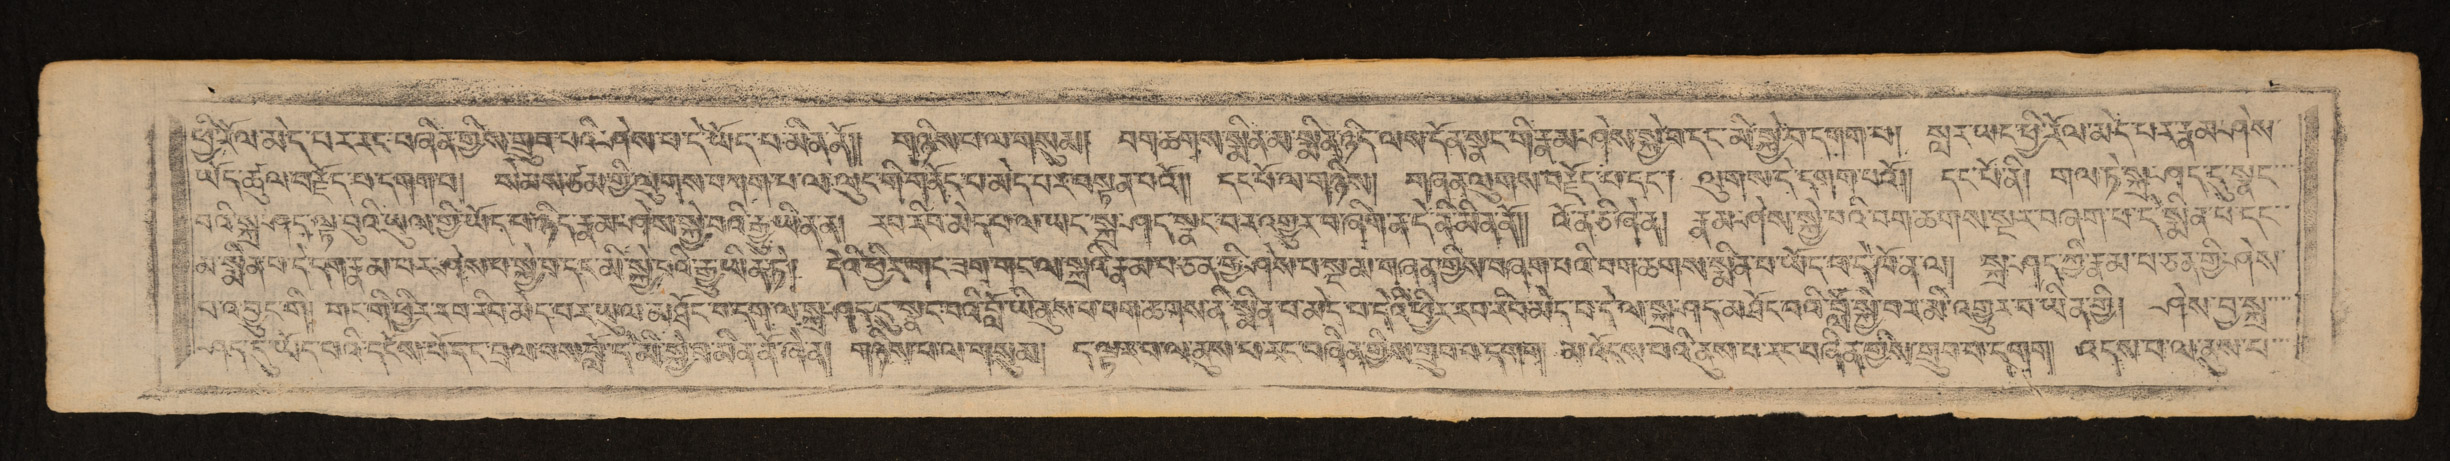ཕྱི་རོལ་མེད་པར་རང་བཞིན་གྱིས་གྲུབ་པའི་ཤེས་པ་དེ་ཡོད་པ་མིན་ནོ།། གཉིས་པ་ལ་གསུམ། བག་ཆགས་སྨིན་མ་སྨིན་ཉིད་ལས་དོན་སྣང་གི་རྣམ་ཤེས་སྐྱེ་བ་དང་མི་སྐྱེ་བ་དགག་པ། སླར་ཡང་ཕྱི་རོལ་མེད་པར་རྣམ་ཤེས་
ཡོད་ཚུལ་བརྗོད་པ་དགག་པ། སེམས་ཙམ་གྱི་ལུགས་བཀག་པ་ལ་ལུང་གི་གནོད་པ་མེད་པར་བསྟན་པའོ།། དང་པོ་ལ་གཉིས། གཞན་ལུགས་བརྗོད་པ་དང་། ལུགས་དེ་དགག་པའོ།། དང་པོ་ནི། གལ་ཏེ་སྐྲ་ཤད་དུ་སྣང་
བའི་སྐྲ་ཤད་ལྟ་བུའི་ཡུལ་གྱི་ཡོད་པ་ཉིད་རྣམ་ཤེས་སྐྱེ་བའི་རྒྱུ་ཡིན་ན། རབ་རིབ་མེད་པ་ལ་ཡང་སྐྲ་ཤད་སྣང་བར་འགྱུར་བ་ཞིག་ན་དེ་ནི་མིན་ནོ།། འོ་ན་ཅི་ཞེ་ན། རྣམ་ཤེས་སྐྱེ་བའི་བག་ཆགས་སྔར་བཞག་པ་དེ་སྨིན་པ་དང་
མ་སྨིན་པ་དེ་དག་རྣམ་པར་ཤེས་པ་སྐྱེ་བ་དང་མི་སྐྱེ་བའི་རྒྱུ་ཡིན་ཏེ། དེའི་ཕྱིར་གང་ཟག་གང་ལ་སྐྲའི་རྣམ་པ་ཅན་གྱི་ཤེས་པ་སྔ་མ་གཞན་གྱིས་བཞག་པའི་བག་ཆགས་སྨིན་པ་ཡོད་པ་དེ་ཁོ་ན་ལ། སྐྲ་ཤད་ཀྱི་རྣམ་པ་ཅན་གྱི་ཤེས་
པ་འབྱུང་གི། གང་གི་ཕྱིར་རབ་རིབ་མེད་པར་ཡུལ་མཐོང་བ་དག་ལ་སྐྲ་ཤད་དུ་སྣང་བའི་བློ་ཡི་ནུས་པ་བག་ཆགས་ནི་སྨིན་པ་མེད་པ་དེའི་ཕྱིར་རབ་རིབ་མེད་པ་དེ་ལ་སྐྲ་ཤད་མཐོང་བའི་བློ་སྐྱེ་བར་མི་འགྱུར་བ་ཡིན་གྱི། ཤེས་བྱ་སྐྲ་
ཤད་དུ་ཡོད་པའི་དངོས་པོ་དང་བྲལ་བས་བློ་དེ་མི་སྐྱེ་བ་མིན་ནོ་ཞེ་ན། གཉིས་པ་ལ་གསུམ། ད་ལྟར་བ་ལ་ནུས་པ་རང་བཞིན་གྱིས་གྲུབ་པ་དགག། མ་འོངས་པའི་ནུས་པ་རང་བཞིན་གྱིས་གྲུབ་པ་དགག། འདས་པ་ལ་ནུས་པ་